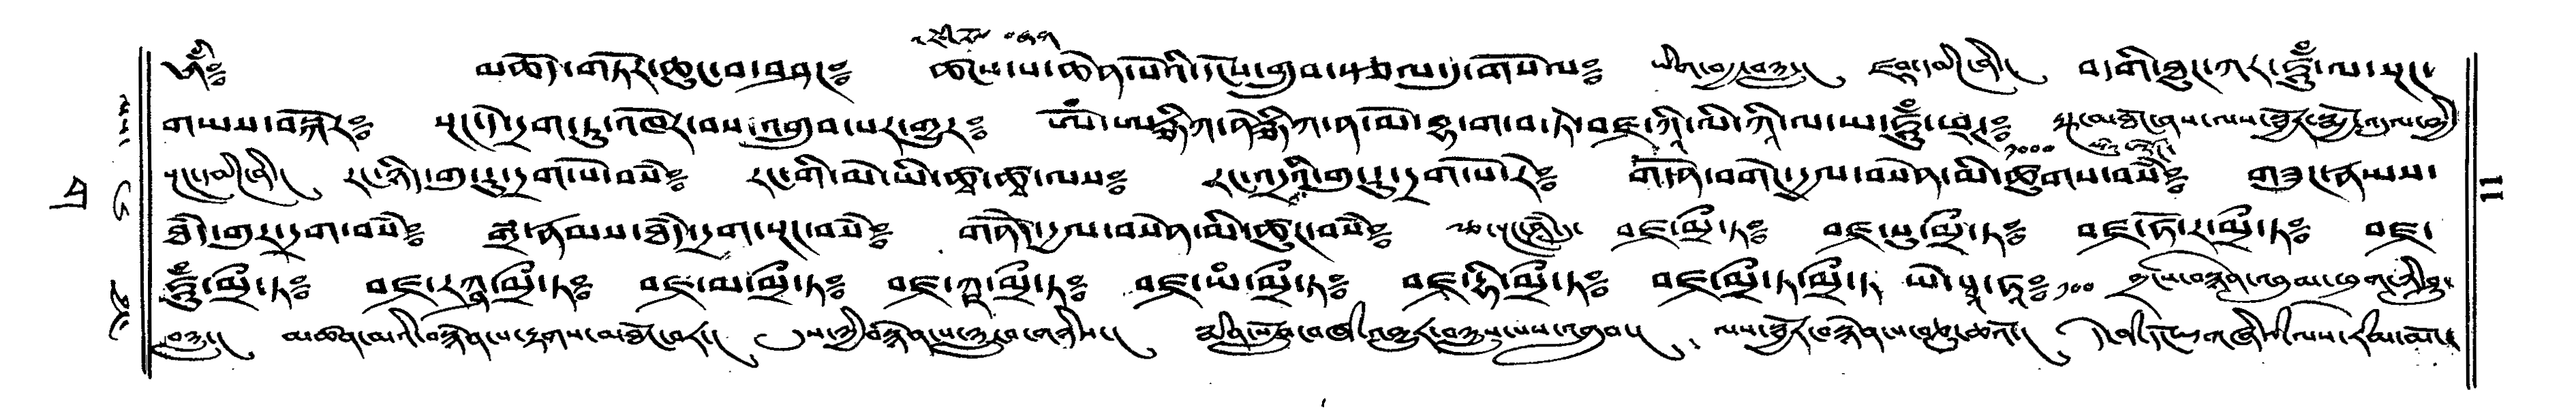མཆོད་གཏོར་ཆུང་བ་བཤགས༔ ཚངས་པ་ཆེན་པོའི་དངོས་གྲུབ་སྩལ་དུ་གསོལ༔ ཡིག་བརྒྱ་བཟླ། ཛབ་དམིགས་ནི། བདག་གི་ཐུགས་ཀར་ཧཱུྃ་ལ་སྔགས་
གཡས་བསྐོར༔ སྔགས་དེ་དྲག་ཏུ་འཁོར་བས་འགྲུབ་པར་གྱུར༔ ཨོཾ་ཨརྩིཀ་ནེ་རྩིཀ་ན་མོ་བྷ་ག་ཝ་ཏེ་བཛྲ་ཀཱི་ལི་ཀཱི་ལ་ཡ་ཧཱུྃ་ཕཊ༔ རྟགས་མཐོང་ནས་ལས་སྦྱོར་སྨྱོ་འདུལ་གྱི་
སྔགས་དམིགས་ནི། རང་ཉིད་གུ་རུ་དྲག་པོར་བསམ༔ རང་གི་མེ་ཡི་ཚྭ་ཚྭ་ལས༔ རང་འདྲའི་གུ་རུ་དྲག་པོ་རེ༔ གདོན་བགེགས་རྒྱལ་བསེན་མི་ཚུགས་བསམཿ གཟུགས་རྣམས་
ཐམས་ཅད་གུར་དྲག་བསམ༔ སྒྲ་རྣམས་ཐམས་ཅད་དྲག་སྔགས་བསམ༔ གནོད་བྱཻད་རྒྱལ་བསེན་མི་ཚུགས་བསམ༔ རྩ་སྔགས་གཤམ་དུ། བཛྲ་མྲྀ་ཏ༔ བཛྲ་སུ་མྲྀ་ཏ༔ བཛྲ་ཧོ་ར་མྲྀ་ཏ༔ བཛྲ་
ཧཱུྂ་མྲྀ་ཏ༔ བཛ་རཀྵ་མྲྀ་ཏ༔ བཛྲ་མ་མྲྀ་ཏ༔ བཛྲ་ཀྵ་མྲྀ་ཏ༔ བཛྲ་ཡཾ་མྲྀ་ཏ༔ བཛྲ་དྷི་མྲྀ་ཏ༔ བཛྲ་མྲྀ་ཏ་མྲི་ཏ་ཡེ་སྭ་ཧཱ༔ གྲངས་བསྙེན་འབུམ་ཕྲག་ཉི་ཤུ་
བཟླ། །མཚན་མའི་བསྙེན་པ་རྟགས་མཐོང་བར། །དུས་ཀྱི་བསྙེན་པ་ཟླ་བ་གཉིས། །སྨིན་སློབ་བཞི་འགྱུར་བཟླས་པས་འགྲུབ། །ལས་སྦྱོར་བསྙེན་པ་བཅུ་ཆའོ། །དེ་ནི་དངོས་གཞིའི་ལས་རིམ་མོ། །